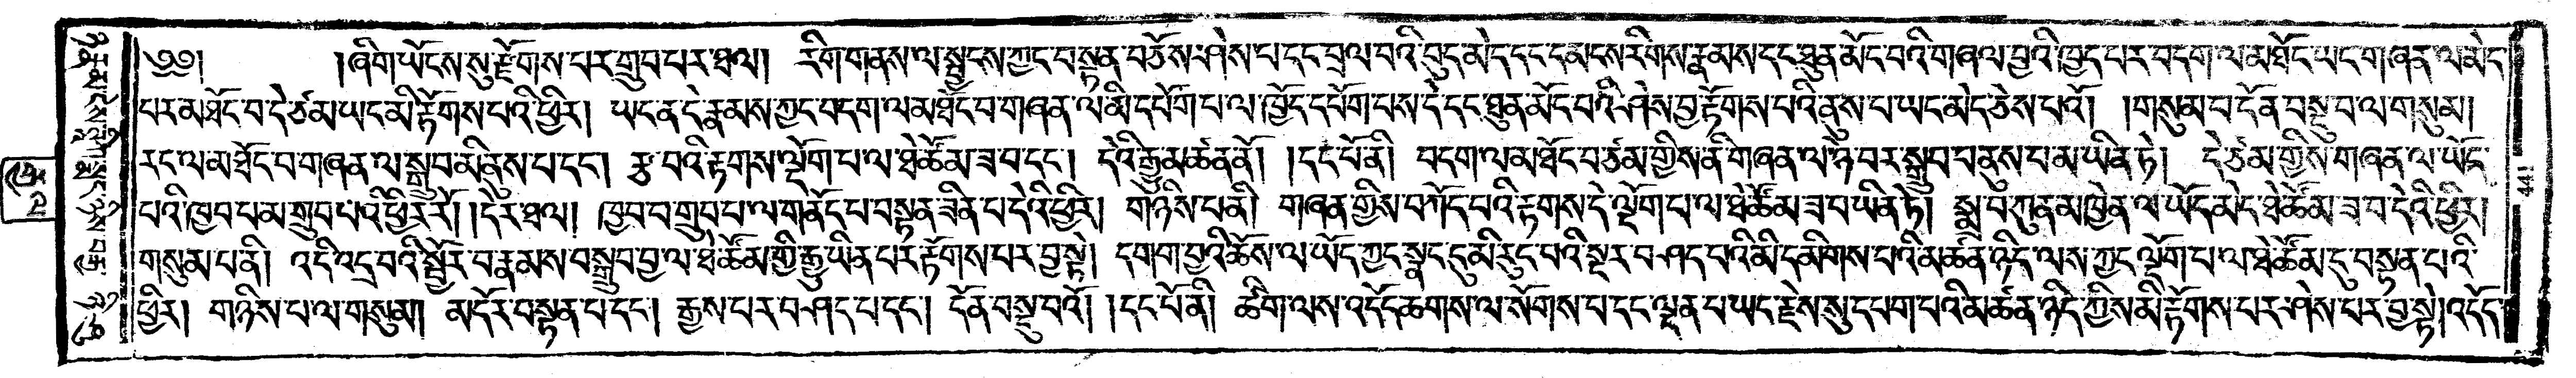༄༅། །ཞིག་ཡོངས་སུ་རྫོགས་པར་གྲུབ་པར་ཐལ། རིག་གནས་ལ་སྦྱངས་ཀྱང་བསྟན་བཅོས་ཤེས་པ་དང་བྲལ་བའི་བུད་མེད་དང་དམངས་རིགས་རྣམས་དང་ཐུན་མོང་བའི་གཞལ་བྱའི་ཁྱད་པར་བདག་ལ་མཐོང་ཡང་གཞན་ལ་མེད་
པར་མཐོང་བ་དེ་ཙམ་ཡང་མི་རྟོགས་པའི་ཕྱིར། ཡང་ན་དེ་རྣམས་ཀྱང་བདག་ལ་མཐོང་བ་གཞན་ལ་མི་དཔོག་པ་ལ་ཁྱོད་དཔོག་པས་དེ་དང་ཐུན་མོང་བའི་ཤེས་བྱ་རྟོགས་པའི་ནུས་པ་ཡང་མེད་ཅེས་པའོ། །གསུམ་བ་དོན་བསྡུ་བ་ལ་གསུམ།
རང་ལ་མཐོང་བ་གཞན་ལ་སྒྲུབ་མི་ནུས་པ་དང་། རྩ་བའི་རྟགས་ལྡོག་པ་ལ་ཐེ་ཚོམ་ཟ་བ་དང་། དེའི་རྒྱུ་མཚན་ནོ། །དང་པོ་ནི། བདག་ལ་མཐོང་བ་ཙམ་གྱིས་ནི་གཞན་ལ་ཉེ་བར་སྒྲུབ་པ་ནུས་པ་མ་ཡིན་ཏེ། དེ་ཙམ་གྱིས་གཞན་ལ་ཡོད་
པའི་ཁྱབ་པ་མ་གྲུབ་པའི་ཕྱིར་རོ། །དེར་ཐལ། ཁྱབ་པ་གྲུབ་པ་ལ་གནོད་པ་བསྟན་ཟིན་པ་དེའི་ཕྱིར། གཉིས་པ་ནི། གཞན་གྱིས་བཀོད་པའི་རྟགས་དེ་ལྡོག་པ་ལ་ཐེ་ཚོམ་ཟ་བ་ཡིན་ཏེ། སྨྲ་བ་ཀུན་མཁྱེན་ལ་ཡོད་མེད་ཐེ་ཚོམ་ཟ་བ་དེའི་ཕྱིར།
གསུམ་པ་ནི། འདི་འདྲ་བའི་སྦྱོར་བ་རྣམས་བསྒྲུབ་བྱ་ལ་ཐེ་ཚོམ་གྱི་རྒྱུ་ཡིན་པར་རྟོགས་པར་བྱ་སྟེ། དགག་བྱའི་ཆོས་ལ་ཡོད་ཀྱང་སྣང་དུ་མི་རུང་བའི་སྔར་བཤད་པའི་མི་དམིགས་པའི་མཚན་ཉིད་ལས་ཀྱང་ལྡོག་པ་ལ་ཐེ་ཚོམ་དུ་བསྟན་པའི་
ཕྱིར། གཉིས་པ་ལ་གསུམ། མདོར་བསྟན་པ་དང་། རྒྱས་པར་བཤད་པ་དང་། དོན་བསྡུ་བའོ། །དང་པོ་ནི། ཚིག་ལས་འདོད་ཆགས་ལ་སོགས་པ་དང་ལྡན་པ་ཡང་རྗེས་སུ་དཔག་པའི་མཚན་ཉིད་ཀྱིས་མི་རྟོགས་པར་ཤེས་པར་བྱ་སྟེ། འདོད་